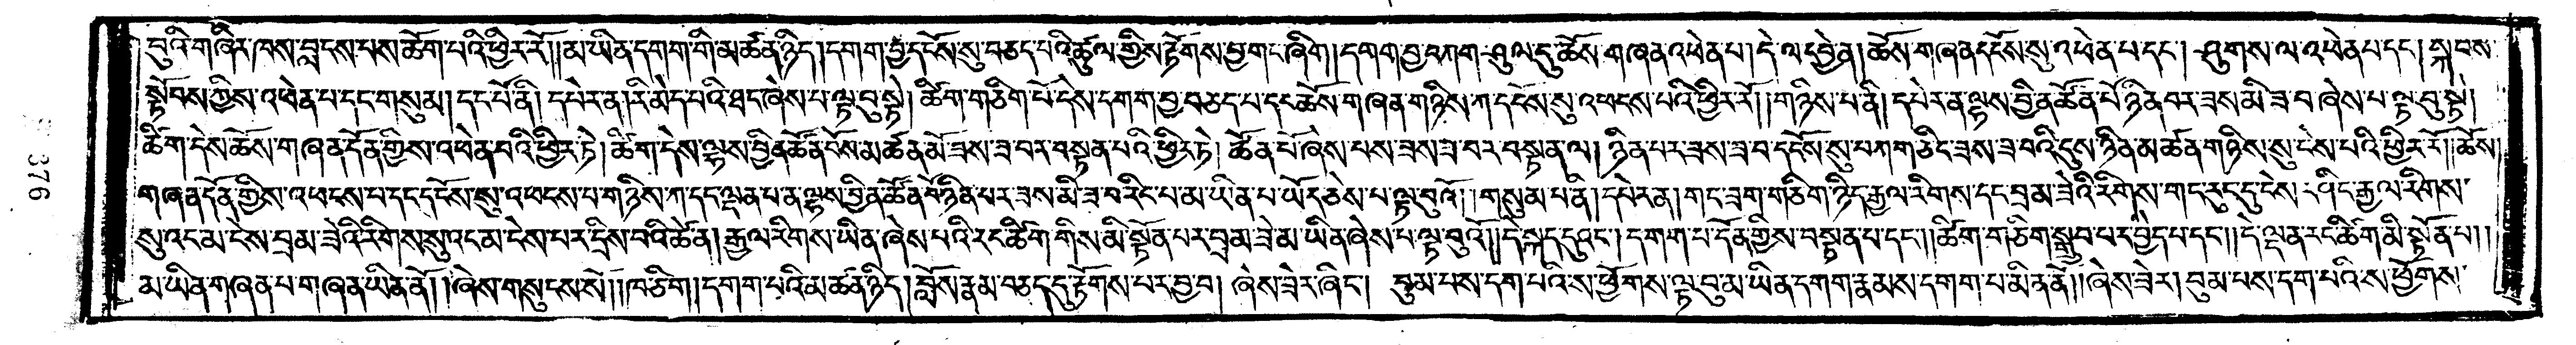བུའི་གཞིར་ཁས་བླངས་པས་ཆོག་པའི་ཕྱིར་རོ། །མ་ཡིན་དགག་གི་མཚན་ཉིད། དགག་བྱ་དངོས་སུ་བཅད་པའི་ཚུལ་གྱིས་རྟོགས་བྱ་གང་ཞིག ། དགག་བྱ་བཀག་ཤུལ་དུ་ཆོས་གཞན་འཕེན་པ། དེ་ལ་དབྱེ་ན། ཆོས་གཞན་དངོས་སུ་འཕེན་པ་དང་། ཤུགས་ལ་འཕེན་པ་དང་། སྐབས་
སྟོབས་ཀྱིས་འཕེན་པ་དང་གསུམ། དང་པོ་ནི། དཔེར་ན། རི་མེད་པའི་ཐང་ཞེས་པ་ལྟ་བུ་སྟེ། ཚིག་གཅིག་པོ་དེས་དགག་བྱ་བཅད་པ་དང་ཆོས་གཞན་གཉིས་ཀ་དངོས་སུ་འཕངས་པའི་ཕྱིར་རོ། །གཉིས་པ་ནི། དཔེར་ན་ལྷས་བྱིན་ཚོན་པོ་ཉིན་བར་ཟས་མི་ཟ་བ་ཞེས་པ་ལྟ་བུ་སྟེ།
ཚིག་དེས་ཆོས་གཞན་དོན་གྱིས་འཕེན་པའི་ཕྱིར་ཏེ། ཚིག་དེས་ལྷས་བྱིན་ཚོན་པོས་མཚན་མོ་ཟས་ཟ་བར་བསྟན་པའི་ཕྱིར་ཏེ། ཚོན་པོ་ཞེས་པས་ཟས་ཟ་བར་བསྟན་ལ། ཉིན་བར་ཟས་ཟ་བ་དངོས་སུ་བཀག་ཅིང་ཟས་ཟ་བའི་དུས་ཉིན་མཚན་གཉིས་སུ་ངེས་པའི་ཕྱིར་རོ། །ཆོས་
གཞན་དོན་གྱིས་འཕངས་པ་དང་དངོས་སུ་འཕངས་པ་གཉིས་ཀ་དང་ལྡན་ན་ནི་ལྷས་བྱིན་ཚོན་པོ་ཉིན་བར་ཟས་མི་ཟ་བ་རིད་པ་མ་ཡིན་པ་ཡོད་ཅེས་པ་ལྟ་བུའོ། །གསུམ་པ་ནི། དཔེར་ན། གང་ཟག་གཅིག་ཉིད་རྒྱལ་རིགས་དང་བྲམ་ཟེའི་རིགས་གང་རུང་དུ་ངེས་ཤིང་རྒྱལ་རིགས་
སུ་འང་མ་ངེས་བྲམ་ཟེའི་རིགས་སུའང་མ་ངེས་པར་དྲིས་པའི་ཚེ་ན། རྒྱལ་རིགས་ཡིན་ཞེས་པའི་རང་ཚིག་གིས་མི་སྟོན་པར་བྲམ་ཟེ་མ་ཡིན་ཞེས་པ་ལྟ་བུའོ། །དེ་སྐད་དུའང་། དགག་པ་དོན་གྱིས་བསྟན་པ་དང་། །ཚིག་གཅིག་སྒྲུབ་པར་བྱེད་པ་དང་། །དེ་ལྡན་རང་ཚིག་མི་སྟོན་པ། །
མ་ཡིན་གཞན་པ་གཞན་ཡིན་ནོ། །ཞེས་གསུངས་སོ། །ཁ་ཅིག ། དགག་པའི་མཚན་ཉིད། བློས་རྣམ་བཅད་དུ་རྟོགས་པར་བྱ་བ། ཞེས་ཟེར་ཞིང་། བུམ་པས་དག་པའི་ས་ཕྱོགས་ལྟ་བུ་མ་ཡིན་དགག་རྣམས་དགག་པ་མིན་ནོ། །ཞེས་ཟེར། བུམ་པས་དག་པའི་ས་ཕྱོགས་